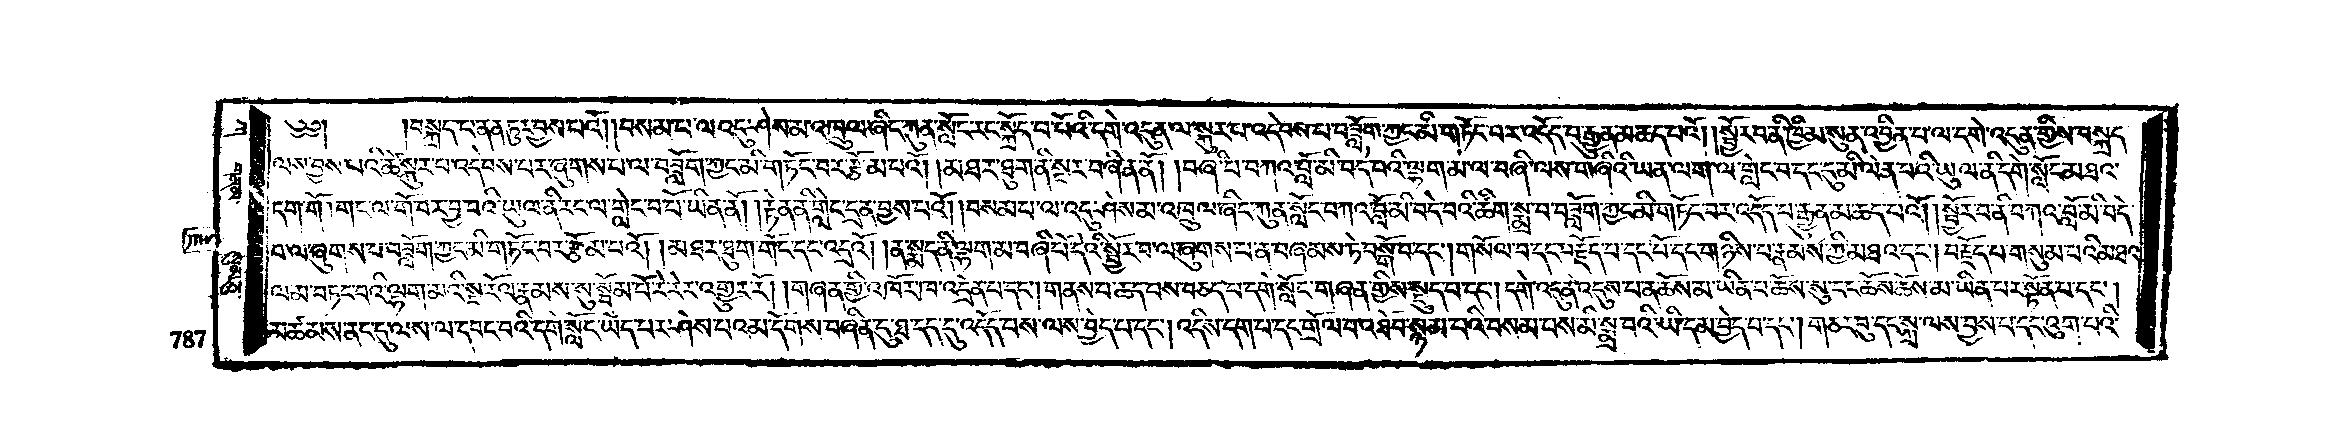༄༅། །བསྐྲད་པ་ནན་ཏུར་བྱས་པའོ། །བསམ་པ་ལ་འདུ་ཤེས་མ་འཁྲུལ་ཞིང་ཀུན་སློང་རང་སྐྲོད་པ་པོའི་དགེ་འདུན་ལ་སྐུར་པ་འདེབས་པ་བཟློག་ཀྱང་མི་གཏོང་བར་འདོད་པ་རྒྱུན་མ་ཆད་པའོ། །སྦྱོར་བ་ནི་ཁྱིམ་སུན་འབྱིན་པ་ལ་དགེ་འདུན་གྱིས་བསྐྲད་
ལས་བྱས་པའི་ཚེ་སྐུར་པ་འདེབས་པར་ཞུགས་པ་ལ་བཟློག་ཀྱང་མི་གཏོང་བར་རྩོམ་པའོ། །མཐར་ཐུག་ནི་སྔར་བཞིན་ནོ། །བཞི་པ་བཀའ་བློ་མི་བདེ་བའི་ལྷག་མ་ལ་བཞི་ལས་གཞིའི་ཡན་ལག་ལ་གླེང་བ་དང་དུ་མི་ལེན་པའི་ཡུལ་ནི་དགེ་སློང་མཐའ་
དག་གོ །གང་ལ་གོ་བར་བྱ་བའི་ཡུལ་ནི་རང་ལ་གླེང་བ་པོ་ཡིན་ནོ། །རྟེན་ནི་གླེང་དྲན་བྱས་པའོ། །བསམ་པ་ལ་འདུ་ཤེས་མ་འཁྲུལ་ཞིང་ཀུན་སློང་བཀའ་བློ་མི་བདེ་བའི་ཚིག་སྨྲ་བ་བཟློག་ཀྱང་མི་གཏོང་བར་འདོད་པ་རྒྱུན་མ་ཆད་པའོ། །སྦྱོར་བ་ནི་བཀའ་བློ་མི་བདེ་
བ་ལ་ཞུགས་པ་བཟློག་ཀྱང་མི་གཏོང་བར་རྩོམ་པའོ། །མཐར་ཐུག་གོང་དང་འདྲའོ། །ན་སྨད་ནི་ལྷག་མ་བཞི་པོ་དེའི་སྦྱོར་བ་ལ་ཞུགས་པ་ན་བཞམས་ཏེ་བསྒོ་བ་དང་། གསོལ་བ་དང་བརྗོད་པ་དང་པོ་དང་གཉིས་པ་རྣམས་ཀྱི་མཐའ་དང་། བརྗོད་པ་གསུམ་པའི་མཐའ་
ལ་མ་བཏང་བའི་ལྷག་མའི་སྔ་རོལ་རྣམས་སུ་སྦོམ་པོ་རེ་རེར་འགྱུར་རོ། །གཞན་གྱི་འཁོར་ཁ་འདྲེན་པ་དང་། གནས་པ་ཆད་པས་བཅད་པ་དགེ་སློང་གཞན་གྱིས་སྡུད་པ་དང་། དགེ་འདུན་འདུས་པ་ན་ཆོས་མ་ཡིན་པ་ཆོས་སུ་དང་ཆོས་ཆོས་མ་ཡིན་པར་སྟོན་པ་དང་།
མཚམས་ནང་དུ་ལས་ལ་དབང་བའི་དགེ་སློང་ཡོད་པར་ཤེས་པའམ་དོགས་བཞིན་དུ་ཐ་དད་དུ་འདོད་པས་ལས་བྱེད་པ་དང་། འདིས་དག་པ་དང་གྲོལ་བ་འཐོབ་སྙམ་པའི་བསམ་པས་མི་སྨྲ་བའི་ཡི་དམ་བྱེད་པ་དང་། གཅར་བུ་དང་སྐྲ་ལས་བྱས་པ་དང་འུག་པའི་